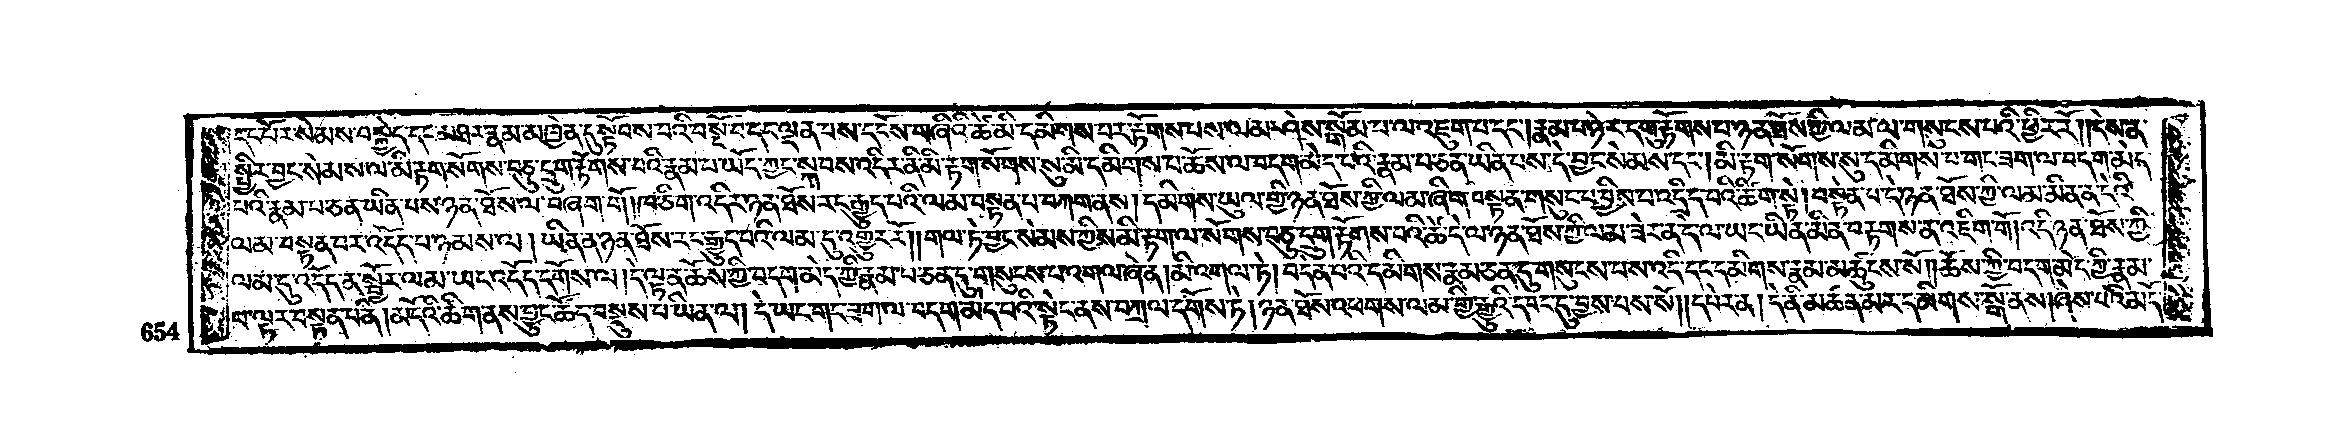དང་པོར་སེམས་བསྐྱེད་དང་མཐར་རྣམ་མཁྱེན་དུ་སྟོབས་པའི་བསྔོ་བ་དང་ལྡན་པས་དངོས་གཞིའི་ཚེ་མི་དམིགས་པར་རྟོགས་པས་ལམ་ཤེས་སྒོམ་པ་ལ་འཇུག་པ་དང་། རྣམ་པ་ཉེར་དགུ་རྟོགས་པ་ཉན་ཐོས་ཀྱི་ལམ་ལ་གསུངས་པའི་ཕྱིར་རོ། །དེས་ན་
སྤྱིར་བྱང་སེམས་ལ་མི་རྟག་སོགས་བཅུ་དྲུག་རྟོགས་པའི་རྣམ་པ་ཡོད་ཀྱང་སྐབས་འདིར་ནི་མི་རྟག་སོགས་སུ་མི་དམིགས་པ་ཆོས་ལ་བདག་མེད་པའི་རྣམ་པ་ཅན་ཡིན་པས་དེ་བྱང་སེམས་དང་། མི་རྟག་སོགས་སུ་དམིགས་པ་གང་ཟག་ལ་བདག་མེད་
པའི་རྣམ་པ་ཅན་ཡིན་པས་ཉན་ཐོས་ལ་བཞག་གོ །ཁ་ཅིག་འདིར་ཉན་ཐོས་རང་རྒྱུད་པའི་ལམ་བསྟན་པ་བཀག་ནས། དམིགས་ཡུལ་གྱི་ཉན་ཐོས་ཀྱི་ལམ་ཞིག་བསྟན་གསུང་པ་བྱིས་པ་འདྲིད་པའི་ཚིག་སྟེ། བསྟན་པ་དེ་ཉན་ཐོས་ཀྱི་ལམ་མིན་ན་དེའི་
ལམ་བསྟན་པར་འདོད་པ་ཉམས་ལ། ཡིན་ན་ཉན་ཐོས་རང་རྒྱུད་པའི་ལམ་དུ་འགྱུར་རོ། །གལ་ཏེ་བྱང་སེམས་ཀྱིས་མི་རྟག་ལ་སོགས་བཅུ་དྲུག་རྟོགས་པའི་ཚེ་དེ་ལ་ཉན་ཐོས་ཀྱི་ལམ་ཟེར་ན་དེ་ལ་ཡང་ཡིན་མིན་བརྟགས་ན་འཇིག་གོ །འདི་ཉན་ཐོས་ཀྱི་
ལམ་དུ་འདོད་ན་སྦྱོར་ལམ་ཡང་འདོད་དགོས་ལ། དེ་ལྟ་ན་ཆོས་ཀྱི་བདག་མེད་ཀྱི་རྣམ་པ་ཅན་དུ་གསུངས་པ་འགལ་ཞེ་ན། མི་འགལ་ཏེ། བདེན་པའི་དམིགས་རྣམ་ཅན་དུ་གསུངས་པས་འདི་དང་དམིགས་རྣམ་མཚུངས་སོ། །ཆོས་ཀྱི་བདག་མེད་ཀྱི་རྣམ་
པ་ལྟར་བསྟན་པ་ནི། མདོའི་ཚིག་ནས་བྱུང་ཚོད་བསྡུས་པ་ཡིན་ལ། དེ་ཡང་གང་ཟག་ལ་བདག་མེད་པའི་སྟེང་ནས་བཀྲལ་དགོས་ཏེ། ཉན་ཐོས་འཕགས་ལམ་གྱི་རྒྱུའི་དབང་དུ་བྱས་པས་སོ། །དཔེར་ན། དེ་ནི་མཚན་མར་དམིགས་སྒོ་ནས། ཞེས་པའི་མདོ་